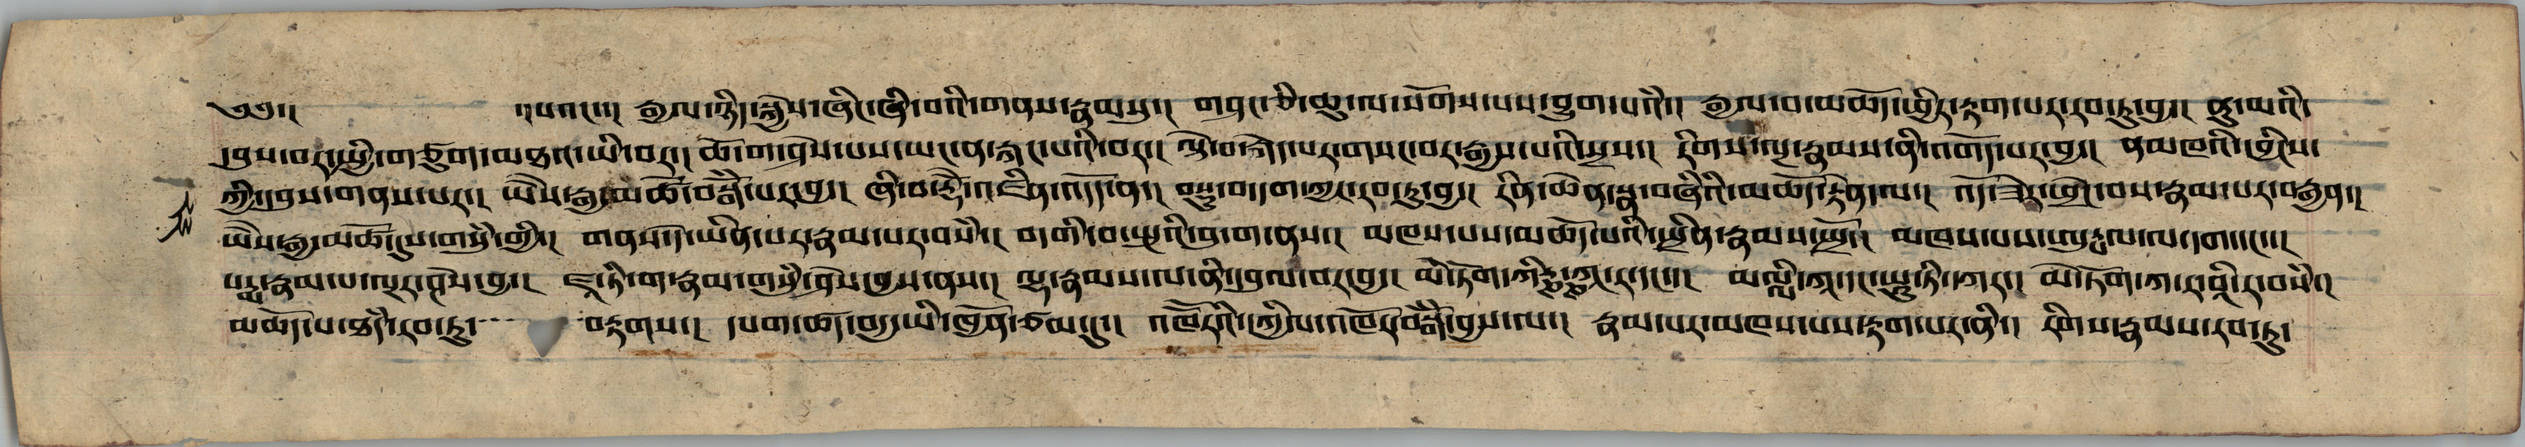༄༅་། ་།པའང་་། རྒྱལ་ཉིད་སྐྱེས་ཞིང་ཞི་བའི་གནས་རྣམསུ་། གཤང་ཅི་ཆུ་ལ་སོགས་པས་བྱུག་པའཾ་། རྒྱལ་བ་མཆོད་ཕྱིར་རྟག་པར་རབ་ཏུ་བྱ་། ནུ་མའི་
དབུས་བར་སྤྱི་གཙུག་མཐའ་ཡི་བར་། ཆོ་ག་ཤེས་པས་ཡང་ན་རྐང་པའི་བར་། ལྟེ་བ་རྐེད་པར་གསང་བར་རྒྱས་པའི་སྲས་། རིགས་ལྔ་རྣམས་ནི་འགོད་པར་བྱ་། ནམཁའི་དབྱིངས་
ཀྱི་དབུས་གནས་པར་། ཡཻས་རྒྱ་མཚོ་བསྒོཾ་པར་བྱ་། ཞི་བ་རྡོེ་འཛིན་འདོད་ན་། བསྡུ་བ་དག་ཀྱང་རབ་ཏུ་བྱ་། རིན་ཆེན་སྣ་བཞིའི་མཆོད་རྟེན་ལ་། འོད་ཟེར་འཕྲེང་བས་རྣམ་པར་བརྒྱན་།
ཡཻས་རྒྱ་མཚོ་དུས་གསུཾ་གྱི་། གནས་དེ་ཡིན་པར་རྣམ་པར་བསཾ་། བདགི་བ་སྤུའི་བུ་ག་ནས་། མཁས་པས་མཆོད་པའི་སྤྲིན་རྣམས་སྤྲོ་། མཁས་པས་ཨུཏྤལ་ལ་དག་དང་་།
པདྨ་རྣམ་པ་ལྔར་ཤེས་བྱ་། ཛཱ་ཏི་ག་རྣམ་གསུཾ་ཤེས་བྱས་ནས་། ལྷ་རྣམས་ལ་ནི་དབུལ་བར་བྱ་། མེ་ཏོག་ཀིརྞྞ་ཀཱ་ར་དང་་། མལླི་ཀཱ་དང་ཡཱུ་ཏི་དཀར་། མེ་ཏོག་ཀ་ར་བཱི་ར་བསཾ་།
མཆོད་པ་ཐཾད་རབ་ཏུ་་་་་་བརྟགས་། དཔག་ཚད་བདྱ་ཡི་ཁྱོན་ཙམ་དུ་། འཁཽརའི་དཀྱིལ་འཁོར་བསྒོཾ་བྱས་ལ་། རྣམ་པར་མཁས་པས་རྟག་པར་ནི་། རིགས་རྣམས་རབ་ཏུ་